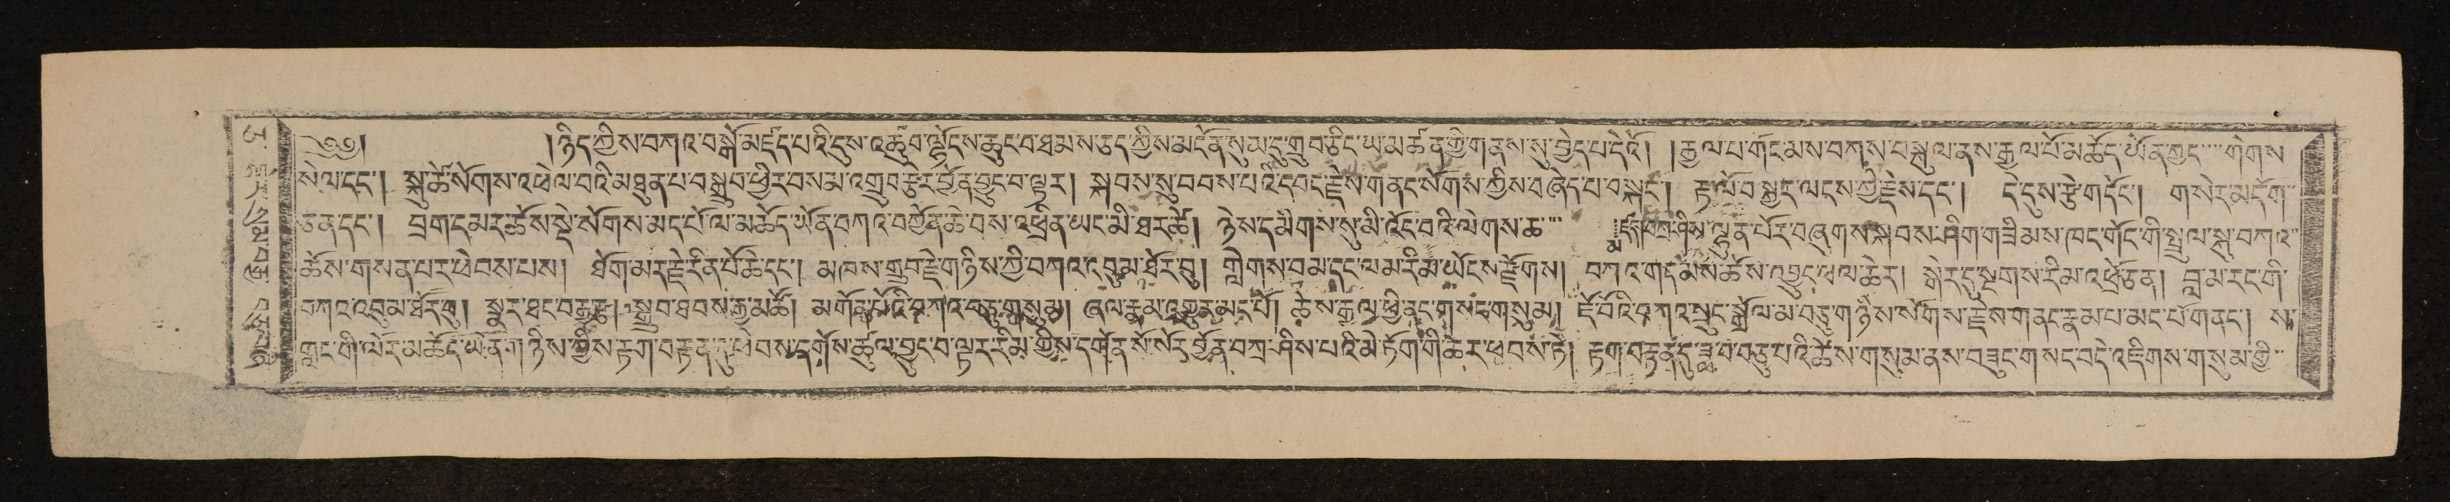༄༅། །ཉིད་ཀྱིས་བཀའ་བསྒོ་མཛད་པའི་དུས་འཚུབ་ལྷོངས་ཆུང་བ་ཐམས་ཅད་ཀྱིས་མངོན་སུམ་དུ་གྲུབ་ཅིང་ཡ་མཚན་གྱི་གནས་སུ་བྱེད་པ་དེའོ། །རྒྱལ་བ་གོང་མས་བཀས་བསྐུལ་ནས་རྒྱལ་པོ་མཆོད་ཡོན་ཀྱང་གེགས་
སེལ་དང་། སྐུ་ཚེ་སོགས་འཕལ་བའི་མཐུན་པ་བསྒྲུབ་ཕྱིར་བསམ་འགྲུབ་རྩེར་བྱོན་བྱུང་བ་ལྟར། སྐབས་སུ་བབས་པའི་དབང་རྗེས་གནང་སོགས་ཀྱིས་བཞེད་པ་བསྐང་། རྟ་ལོ་བསྐྱར་ལངས་ཀྱི་རྗེས་དང་། དེ་དུས་རྩེ་གདོང་། གསེར་མདོག་
ཅན་དང་། བྲག་དམར་ཆོས་སྡེ་སོགས་མང་པོ་ལ་མཆོད་ཡོན་བཀའ་བཀྱོན་ཆེ་བས་འཕྲིན་ཡང་མི་ཐར་ཚེ། ཉེས་དམིགས་སུ་མི་འོང་བའི་ལེགས་ཆ་མཛད། བཀྲ་ཤིས་ལྷུན་པོར་བཞུགས་སྐབས་ཤིག་གཟིམས་ཁང་གོང་གི་སྤྲུལ་སྐུ་བཀའ་
ཆོས་གསན་པར་ཕེབས་པས། ཐོག་མར་རྗེ་རིན་པོ་ཆེ་དང་། མཁས་གྲུབ་རྗེ་གཉིས་ཀྱི་བཀའ་འབུམ་ཐོར་བུ། གླེགས་བམ་དང་ལམ་རིམ་ཡོངས་རྫོགས། བཀའ་གདམས་ཆོས་འབྱུང་ཕལ་ཆེར། སྒེར་དུ་སྔགས་རིམ་འཕྲོ་ཅན། བླ་མ་རང་གི་
བཀའ་འབུམ་ཐོར་བུ། སྣར་ཐང་བརྒྱ་རྩ། སྒྲུབ་ཐབས་རྒྱ་མཚོ། མགོན་པོའི་བཀའ་བཅུ་གསུམ། ཞལ་རྣམ་འགྱུར་མང་པོ། ཆོས་རྒྱལ་ཕྱི་ནང་གསང་གསུམ། ཇོ་བོའི་བཀའ་སྲུང་སྒྲོལ་མ་བཅུ་གཉིས་སོགས་རྗེས་གནང་རྣམ་པ་མང་པོ་གནང་། ས་
ཀླང་གི་ལོར་མཆོད་ཡོན་གཉིས་ཀྱིས་རྟག་བརྟན་དུ་ཕེབས་དགོས་ཚུལ་བྱུང་བ་ལྟར་རིམ་གྱིས་དགོན་སོ་སོར་བྱོན་བཀྲ་ཤིས་པའི་མེ་ཏོག་གི་ཆར་ཕབས་ཏེ། རྟག་བརྟན་དུ་ཟླ་བ་བཅུ་པའི་ཚེས་གསུམ་ནས་བཟུང་གསང་བདེ་འཇིགས་གསུམ་གྱི་